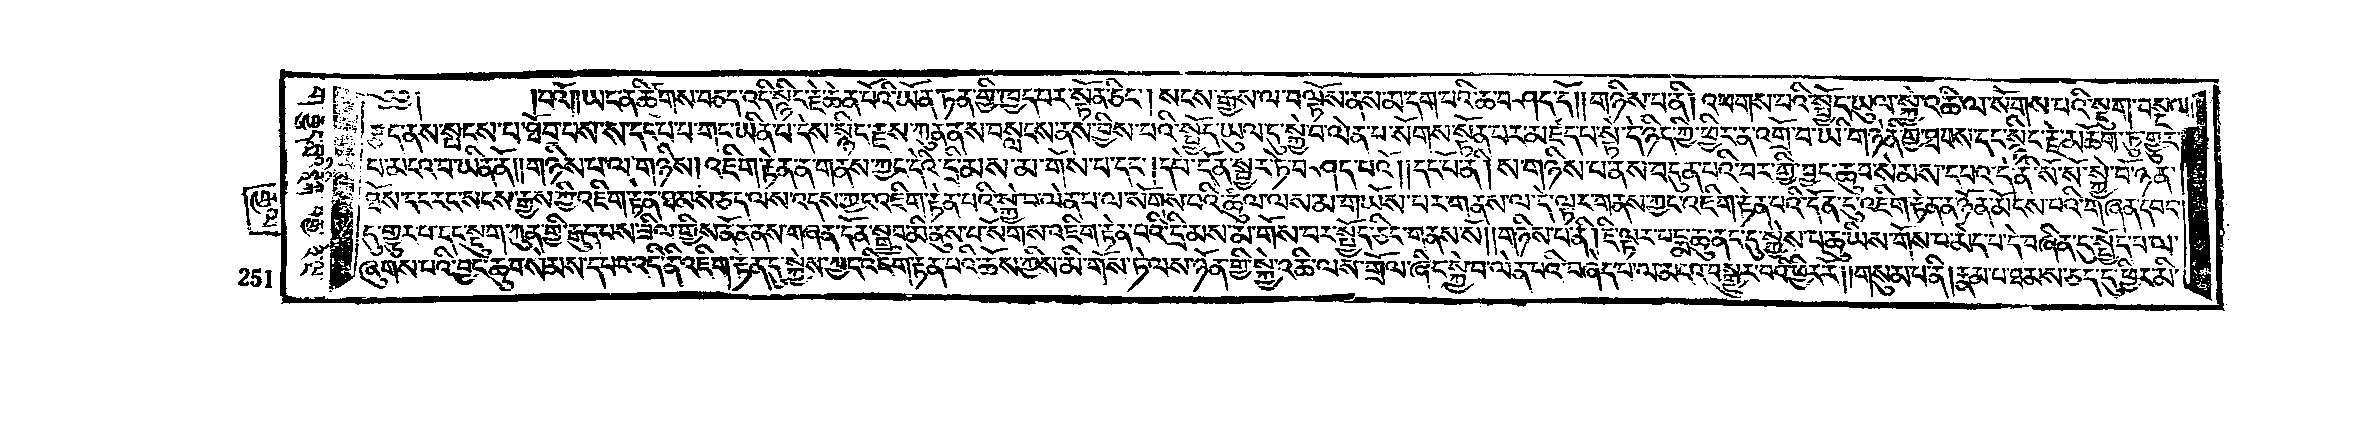༄༅། །པའོ༑ ༑ཡང་ན་ཚིགས་བཅད་འདི་སྙིང་རྗེ་ཆེན་པོའི་ཡོན་ཏན་གྱི་ཁྱད་པར་སྟོན་ཅིང་། སངས་རྒྱས་ལ་བལྟོས་ནས་མ་དག་པའི་ཆ་བཤད་དོ། །གཉིས་པ་ནི། འཕགས་པའི་སྤྱོད་ཡུལ་སྐྱེ་འཆི་ལ་སོགས་པའི་སྡུག་བསྔལ་
རྩད་ནས་སྤངས་པ་ཐོབ་པས་ས་དང་པོ་པ་གང་ཡིན་པ་དེས་སྙིང་རྗེས་ཀུན་ནས་བསླངས་ནས་བྱིས་པའི་སྤྱོད་ཡུལ་དུ་སྐྱེ་བ་ལེན་པ་སོགས་སྟོན་པར་མཛད་པ་སྟེ་དེ་ཉིད་ཀྱི་ཕྱིར་ན་འགྲོ་བ་ཡི་གཉེན་གྱི་ཐབས་དང་སྙིང་རྗེ་མཆོག་ཏུ་གྱུར་
པ་མངའ་བ་ཡིན་ནོ། །གཉིས་པ་ལ་གཉིས། འཇིག་རྟེན་ན་གནས་ཀྱང་དེའི་དྲི་མས་མ་གོས་པ་དང་། དཔེ་དོན་སྦྱར་ཏེ་བཤད་པའོ། །དང་པོ་ནི། ས་གཉིས་པ་ནས་བདུན་པའི་བར་གྱི་བྱང་ཆུབ་སེམས་དཔའ་དེ་ནི་སོ་སོ་སྐྱེ་བོ་ཉན་
ཐོས་དང་རང་སངས་རྒྱས་ཀྱི་འཇིག་རྟེན་ཐམས་ཅད་ལས་འདས་ཀྱང་འཇིག་རྟེན་པའི་སྐྱེ་བ་ལེན་པ་ལ་སོགས་པའི་ཚུལ་ལས་མ་གཡོས་པར་གནས་ལ་དེ་ལྟར་གནས་ཀྱང་འཇིག་རྟེན་པའི་དོན་དུ་འཇིག་རྟེན་ན་ཉོན་མོངས་པའི་གཞན་དབང་
དུ་གྱུར་པ་དང་སྡུག་ཀུན་གྱི་རྒུད་པས་ཟིལ་གྱིས་ནོན་ནས་གཞན་དོན་སྒྲུབ་མི་ནུས་པ་སོགས་འཇིག་རྟེན་པའི་དྲི་མས་མ་གོས་པར་སྤྱོད་ཅིང་གནས་སོ། །གཉིས་པ་ནི། ཇི་ལྟར་པདམ་ཆུ་ནང་དུ་སྐྱེས་པ་ཆུ་ཡིས་གོས་པ་མེད་པ་དེ་བཞིན་དུ་སྤྱོད་པ་ལ་
ཞུགས་པའི་བྱང་ཆུབ་སེམས་དཔའ་འདི་ནི་འཇིག་རྟེན་དུ་སྐྱེས་ཀྱང་འཇིག་རྟེན་པའི་ཆོས་ཀྱིས་མི་གོས་ཏེ་ལས་ཉོན་གྱི་སྐྱེ་འཆི་ལས་གྲོལ་ཞིང་སྐྱེ་བ་ལེན་པའི་བཞེད་པ་ལ་མངའ་བསྒྱུར་བའི་ཕྱིར་རོ། །གསུམ་པ་ནི། རྣམ་པ་ཐམས་ཅད་དུ་ཕྱིར་མི་